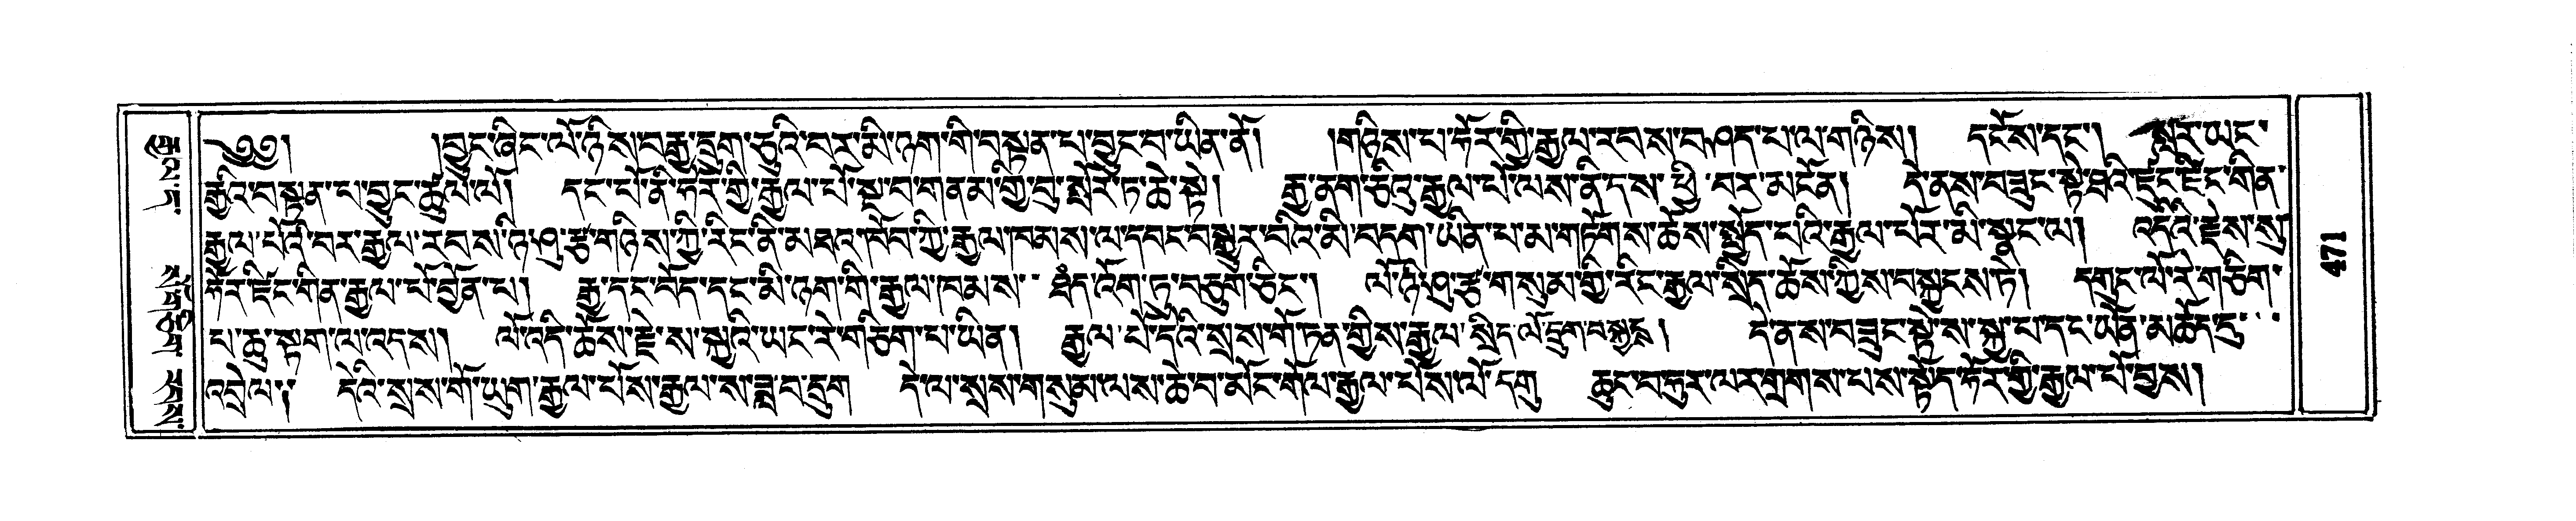༄༅། །བྱུང་ཞིང་ལོ་ཉིས་བརྒྱ་དྲུག་ཅུའི་བར་མི་ཉག་གི་བསྟན་པ་བྱུང་བ་ཡིན་ནོ། །གཉིས་པ་ཧོར་གྱི་རྒྱལ་རབས་བཤད་པ་ལ་གཉིས། དངོས་དང་། སླར་ཡང་
རྒྱའི་བསྟན་པ་བྱུང་ཚུལ་ལོ། དང་པོ་ནི་ཧོར་གྱི་རྒྱལ་པོ་སྔ་བ་གནམ་གྱི་བུ་སྤོར་ཏ་ཆེ་སྟེ། རྒྱ་ནག་ཅིའུ་རྒྱལ་པོ་ལས་ནི་དས་ཕྱི་བར་མངོན། དེ་ནས་བཟུང་སྟེ་ཐའི་ཛུང་ཛིང་གིན་
རྒྱལ་པོའི་བར་རྒྱལ་རབས་ཉི་ཤུ་རྩ་གཉིས་ཀྱི་རིང་ནི་མཐའ་ཁོབ་ཀྱི་རྒྱལ་ཁམས་ལ་དབང་བསྒྱུར་བའི་མི་བདག་ཡིན་པ་མ་གཏོགས་ཆོས་སྤྱོད་པའི་རྒྱལ་པོར་མི་སྣང་ལ། འདིའི་རྗེས་སུ་
ཧོར་ཛིང་གིན་རྒྱལ་པོ་བྱོན་པ། རྒྱ་དང་བོད་དང་མི་ཉག་གི་རྒྱལ་ཁམས་ཐཾད་འོག་ཏུ་བཅུག་ཅིང་། ལོ་ཉི་ཤུ་རྩ་གསུམ་གྱི་རིང་རྒྱལ་སྲིད་ཆོས་ཀྱིས་བསྐྱངས་ཏེ། དགུང་ལོ་རེ་གཅིག་
པ་ཆུ་སྟག་ལ་འདས། ལོ་འདི་ཆོས་རྗེ་ས་སྐྱའི་ཡང་རེ་གཅིག་པ་ཡིན། རྒྱལ་པོ་དེའི་སྲས་གོ་ཏན་གྱིས་རྒྱལ་སྲིད་ལོ་དྲུག་བསྐྱངས། དེ་ནས་བཟུང་སྟེ་ས་སྐྱ་པ་དང་ཡོན་མཆོད་དུ་
འབྲེལ༑ དེའི་སྲས་གོ་ཡུག་རྒྱལ་པོས་རྒྱལ་ས་ཟླ་བ་དྲུག་དེ་ལ་སྲས་གསུམ་ལས་ཆེ་བ་མོང་གོལ་རྒྱལ་པོས་ལོ་དགུ་ཆུང་བ་ཧུར་ལར་གྲགས་པས་སྟོད་ཧོར་གྱི་རྒྱལ་པོ་བྱས།